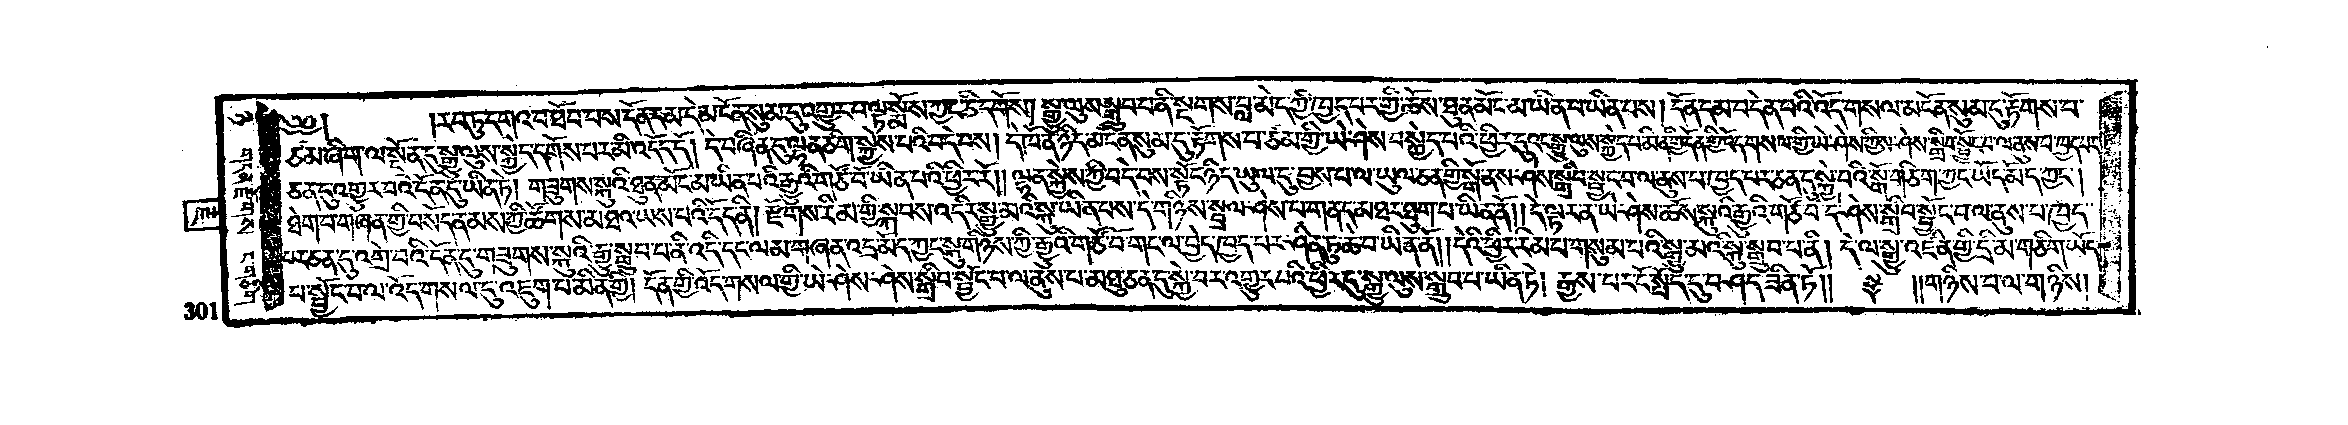༄༅། །རབ་ཏུ་དགའ་བ་ཐོབ་པས་དོན་དམ་དེ་མངོན་སུམ་དུ་འགྱུར་བ་ལྟ་སྨོས་ཀྱང་ཅི་དགོས། སྒྱུ་ལུས་སྒྲུབ་པ་ནི་སྔགས་བླ་མེད་ཀྱི་ཁྱད་པར་གྱི་ཆོས་ཐུན་མོང་མ་ཡིན་པ་ཡིན་པས། དོན་དམ་བདེན་པའི་འོད་གསལ་མངོན་སུམ་དུ་རྟོགས་པ་
ཙམ་ཞིག་ལ་སྔོན་དུ་སྒྱུ་ལུས་སྐྱེད་དགོས་པར་མི་འདོད་དོ། དེ་བཞིན་དུ་ལྷན་ཅིག་སྐྱེས་པའི་བདེ་བས། དེ་ཁོ་ན་ཉིད་མངོན་སུམ་དུ་རྟོགས་པ་ཙམ་གྱི་ཡེ་ཤེས་བསྐྱེད་པའི་ཕྱིར་དུའང་སྒྱུ་ལུས་སྐྱེད་པ་མིན་གྱི་དོན་གྱི་འོད་གསལ་གྱི་ཡེ་ཤེས་ཀྱིས་ཤེས་སྒྲིབ་སྦྱོང་བ་ལ་ནུས་པ་ཁྱད་པར་
ཅན་དུ་འགྱུར་བའི་དོན་དུ་ཡིན་ཏེ། གཟུགས་སྐུའི་ཐུན་མོང་མ་ཡིན་པའི་རྒྱུའི་གཙོ་བོ་ཡིན་པའི་ཕྱིར་རོ། །ལྷན་སྐྱེས་ཀྱི་བདེ་བས་སྟོང་ཉིད་ཡུལ་དུ་བྱས་པ་ལ་ཡུལ་ཅན་གྱི་སྒོ་ནས་ཤེས་སྒྲིབ་སྦྱང་བ་ལ་ནུས་པ་ཁྱད་པར་ཅན་དུ་སྐྱེ་བའི་སྒོ་གཅིག་ཀྱང་ཡོད་མོད་ཀྱང་།
ཐེག་པ་གཞན་གྱི་བསོད་ནམས་ཀྱི་ཚོགས་མཐའ་ཡས་པའི་དོད་ནི། རྫོགས་རིམ་གྱི་སྐབས་འདིར་སྒྱུ་མའི་སྐུ་ཡིན་པས་དེ་གཉིས་སྦྲལ་ཤེས་པ་གནད་མཐར་ཐུག་པ་ཡིན་ནོ། །དེ་ལྟར་ན་ཡེ་ཤེས་ཆོས་སྐུའི་རྒྱུའི་གཙོ་བོ་དེ་ཤེས་སྒྲིབ་སྦྱོང་བ་ལ་ནུས་པ་ཁྱད་
པར་ཅན་དུ་འགྲོ་བའི་དོན་དུ་གཟུགས་སྐུའི་རྒྱུ་སྒྲུབ་པ་ནི་འདི་དང་ལམ་གཞན་འདྲ་མོད་ཀྱང་སྐུ་གཉིས་ཀྱི་རྒྱུའི་གཙོ་བོ་གང་ལ་བྱེད་ཁྱད་པར་ཤིན་ཏུ་ཆེ་བ་ཡིན་ནོ། །དེའི་ཕྱིར་རིམ་པ་གསུམ་པའི་སྒྱུ་མའི་སྐུ་སྒྲུབ་པ་ནི། དེ་ལ་སྒྱུ་འཛིན་གྱི་དྲི་མ་གཅིག་ཡོད་
པ་སྦྱོང་བ་ལ་འོད་གསལ་དུ་འཇུག་པ་མིན་གྱི། དོན་གྱི་འོད་གསལ་གྱི་ཡེ་ཤེས་ཤེས་སྒྲིབ་སྦྱོང་བ་ལ་ནུས་པ་མཐུ་ཅན་དུ་སྐྱེ་བར་འགྱུར་བའི་ཕྱིར་དུ་སྒྱུ་ལུས་སྒྲུབ་པ་ཡིན་ཏེ། རྒྱས་པར་ངོ་སྤྲོད་དུ་བཤད་ཟིན་ཏོ།། ༈ །།གཉིས་པ་ལ་གཉིས།